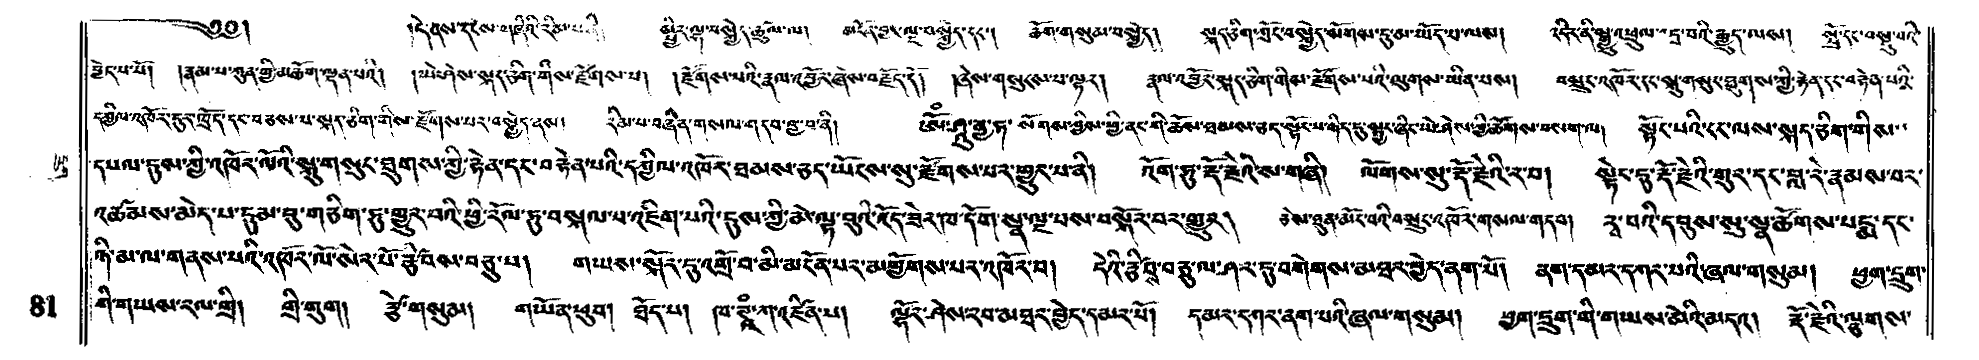༄༅། །དེ་ནས་དངོས་གཞིའི་རིམ་པ་ནི། སྤྱིར་ལྷ་བསྐྱེད་ཚུལ་ལ། མངོན་བྱས་ལྔ་བསྐྱེད་དང་། ཆོག་གསུམ་བསྐྱེད། སྐད་ཅིག་ཀྲོང་བསྐྱེད་སོགས་ཏུ་མ་ཡོད་པ་ལས། འདིར་ནི་སྒྱུ་འཕྲུལ་འདྲ་བའི་རྒྱུད་ལས། སྤྲོ་དང་བསྡུ་བའི་
བྱེད་པ་པོ། །རྣམ་པ་ཀུན་གྱི་མཆོག་ལྡན་པའི། །ཡེ་ཤེས་སྐད་ཅིག་གིས་རྫོགས་པ། །རྫོགས་པའི་རྣལ་འབྱོར་ཞེས་བརྗོད་དོ། །ཞེས་གསུངས་པ་ལྟར། རྣལ་འབྱོར་སྐད་ཅིག་གིས་རྫོགས་པའི་ལུགས་ཡིན་པས། བསྲུང་འཁོར་དང་སྐུ་གསུང་ཐུགས་ཀྱི་རྟེན་དང་བརྟེན་པའི་
དཀྱིལ་འཁོར་དུར་ཁྲོད་དང་བཅས་པ་སྐད་ཅིག་གིས་རྫོགས་པར་བསྐྱེད་ནས། རིམ་པ་བཞིན་གསལ་གདབ་བྱ་བ་ནི། ཨོཾ་ཤཱུ་ནྱ་ཏ་སོགས་ཀྱིས་ཕྱི་ནང་གི་ཆོས་ཐམས་ཅད་སྟོང་པ་ཉིད་དུ་སྐྱང་ཞིང་ཡེ་ཤེས་ཀྱི་ཚོགས་བསག་ལ།  སྟོང་པའི་ངང་ལས་སྐད་ཅིག་གིས་
དཔལ་དུས་ཀྱི་འཁོར་ལོའི་སྐུ་གསུང་ཐུགས་ཀྱི་རྟེན་དང་བརྟེན་པའི་དཀྱིལ་འཁོར་ཐམས་ཅད་ཡོངས་སུ་རྫོགས་པར་གྱུར་པ་ནི། འོག་ཏུ་རྡོ་རྗེའི་ས་གཞི། ལོགས་སུ་རྡོ་རྗེའི་ར་བ། སྟེང་དུ་རྡོ་རྗེའི་གུར་དང་བླ་རེ་རྣམས་བར་
འཚམས་མེད་པ་ཏུམ་བུ་གཅིག་ཏུ་གྱུར་བའི་ཕྱི་རོལ་ཏུ་བསྐལ་པ་འཇིག་པའི་དུས་ཀྱི་མེ་ལྟ་བུའི་འོད་ཟེར་ཁ་དོག་སྣ་ལྔ་པས་བསྐོར་བར་གྱུར། ཅེས་ཐུན་མོང་བའི་བསྲུང་འཁོར་གསལ་གདབ།  རྭ་བའི་དབུས་སུ་སྣ་ཚོགས་པདམ་དང་
ཉི་མ་ལ་གནས་པའི་འཁོར་ལོ་སེར་པོ་རྩིབས་བཅུ་པ། གཡས་སྐོར་ཏུ་འགྲོ་བ་མི་མངོན་པར་མགྱོགས་པར་འཁོར་བ། དེའི་རྩིབས་བཅུ་ལ་ཤར་ཏུ་བགེགས་མཐར་བྱེད་ནག་པོ། ནག་དམར་དཀར་པའི་ཞལ་གསུམ། ཕྱག་དྲུག་
གི་གཡས་རལ་གྲི། གྲི་གུག། རྩེ་གསུམ། གཡོན་ཕུབ། ཐོད་པ། ཁ་ཊྭཱཾ་ཀ་འཛིན་པ། ལྷོར་ཤེས་རབ་མཐར་བྱེད་དམར་པོ། དམར་དཀར་ནག་པའི་ཞལ་གསུམ། ཕྱག་དྲུག་གི་གཡས་མེའི་མདའ། རྡོ་རྗེའི་ལྕགས་